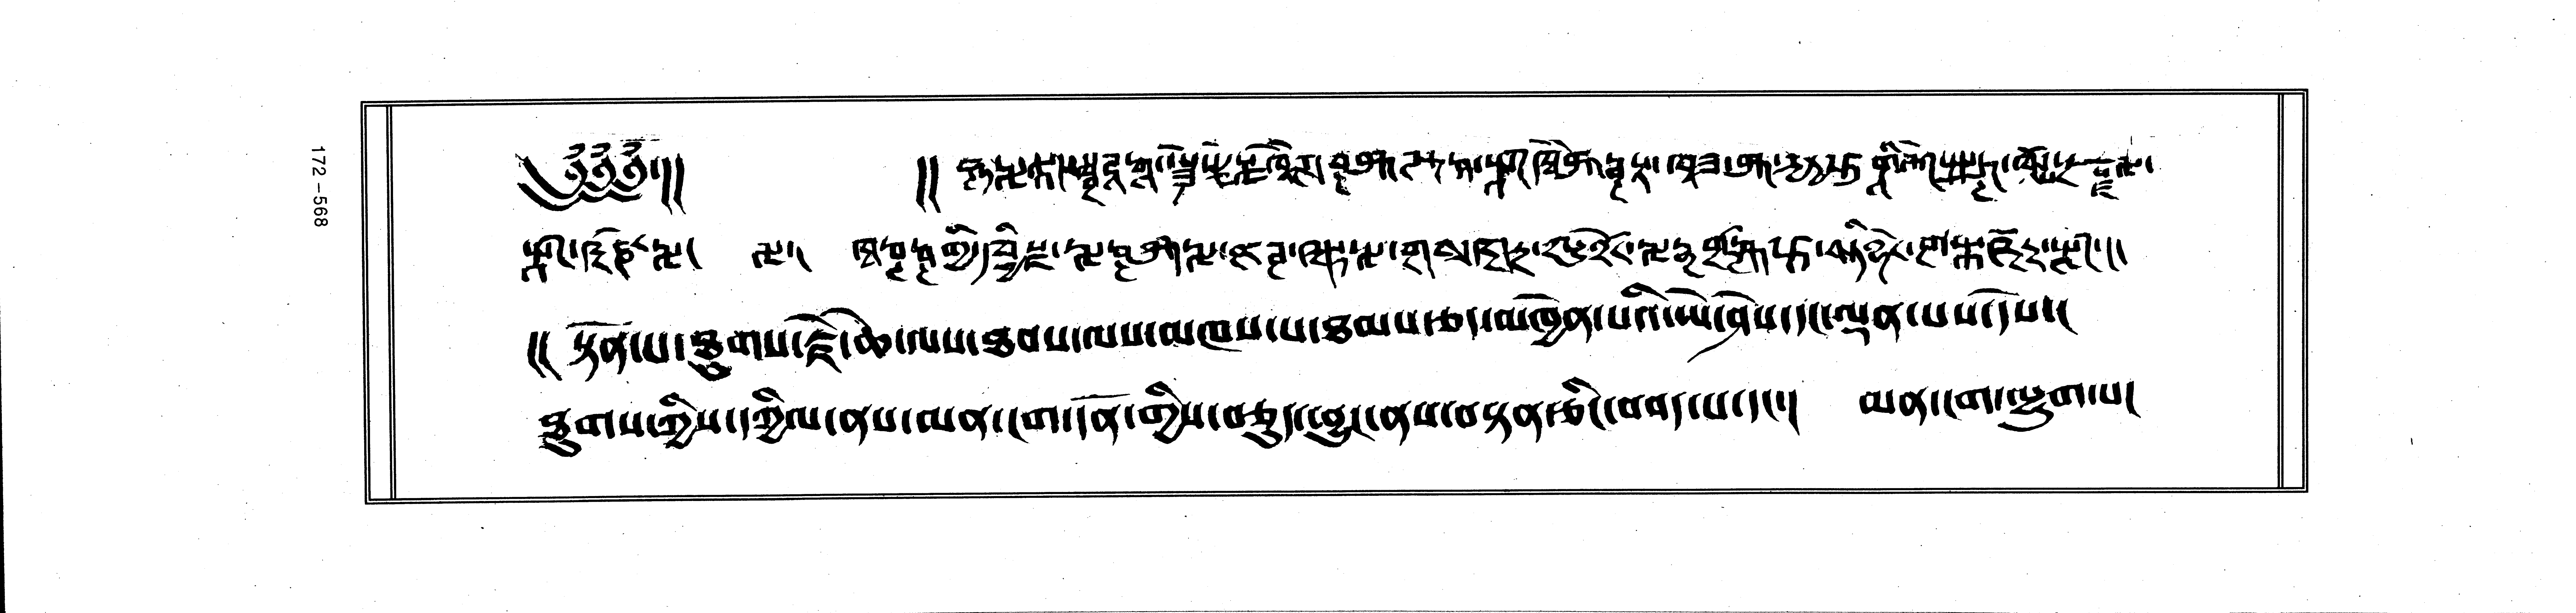༄༅༅།། །།༼འདིར་གཏེར་ཡིག་ཡོད༽ སྟོན་པ་ཐུགས་རྗེ་ཆེ་ལ་ཐབས་ལས་མཁས་པ་ཐམས་ཅད་མཁྱེན་པའི་ཡེ་ཤེས་དང་ལྡན་པས་དེས། 
ཐུགས་ཀྱིས་དཀྱིལ་ནས་མན་ངག་དོན་གྱིས་བཅུད་ཕྱུང་ནས་བསྟན་ཅིང་དབབ་པ་དང་། མན་ངག་ལྷུག་པ།